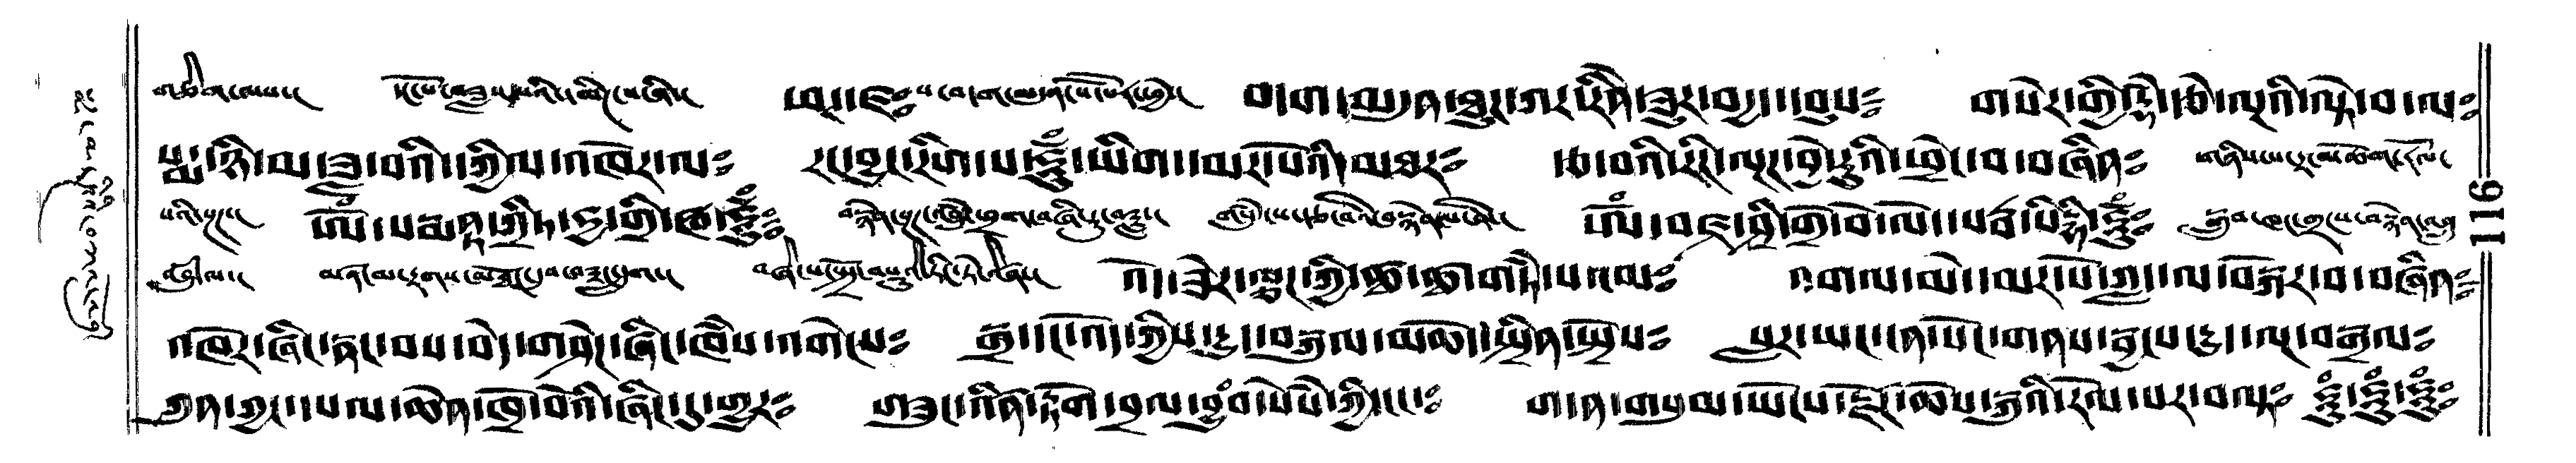གཅིག་ལས། དང་པོ་བཟླས་པའི་དམིགས་པ་ནི། ཕཊ་ཛ༔ ས་བདག་མདུན་སོ་སོར་ཕྱེ། བདག་མདུན་ཐུགས་ཀར་རིན་ཆེན་ཟུར་བརྒྱད་དབུས༔ གསེར་ཀྱི་རྡེ་རྗེ་རྩེ་ལྔའི་ལྟེ་བ་ལ༔ 
པདྨ་ཉི་མ་ཟླ་བའི་དཀྱིལ་འཁོར་ལ༔ རང་བྱུང་རིག་པ་ཧཱུྃ་ཡིག་དམར་པོའི་མཐར༔ རྩ་བའི་རིགས་སྔགས་བྱེ་རུའི་ཕྲེང་བ་བཞིན༔ གཉིས་པ་རྟ་མཆོག་རོལ་
པའི་སྔགས། ཨོ་པདྨནྟ་ཀྲི་ཏ་ཧྱ་གྷྲི་ཝ་ཧཱུྃ༔ བསྙེན་སྔགས་འབུམ་ཕྲག་བཞི་རུ་བཟླ། །གསུམ་པ་རྩ་བའི་བསྙེན་པ་ནི། ཨོཾ་བཛྲ་ཤྲི་གྲོ་བོ་ལོད་སརྦ་སིདྡྷི་ཧཱུྃ༔ སྒྲུབ་ཁང་གྲངས་བསྙེན་འབྲུ་
འབུམ་ལ། མཚན་མ་རྟགས་མཐོང་དུས་བཟང་དྲུག །བཞི་པ་སྤྲོ་བསྡུའི་ཏིང་ངེ་འཛིན། འོད་ཟེར་ལྕགས་ཀྱི་ཚྭ་ཚྭ་གཏམས་པའམ༔ འགལ་མེ་དམར་པོ་ཀླད་ལ་བསྐོར་བ་བཞིན༔ 
འཁོར་ཞིང་སྣང་བས་བདེ་གཤེགས་ཞིང་ཁམས་འགེངས༔ སྒྲ་དང་འོད་ཀྱིས་རྒྱུད་བསྐུལ་མཆོད་སྤྲིན་སྤྲོས༔ སླར་ཡང་ངན་སོང་གནས་སྦྱངས་རྒྱུད་ལྔ་བསྒྲལ༔ 
ཀུན་ཀྱང་དཔལ་ཆེན་ཁྲོ་བོའི་ཞིང་དུ་གྱུར༔ གཟུང་འཛིན་རྟོག་བྲལ་བྱང་ཆུབ་སེམས་ཀྱི་ངང༔ གདན་གསུམ་ཡོངས་རྫོགས་ཆོས་སྐུའི་རོལ་པར་བལྟ༔ ཧཱུྃ་ཧཱུྃ་ཧཱུྂ༔